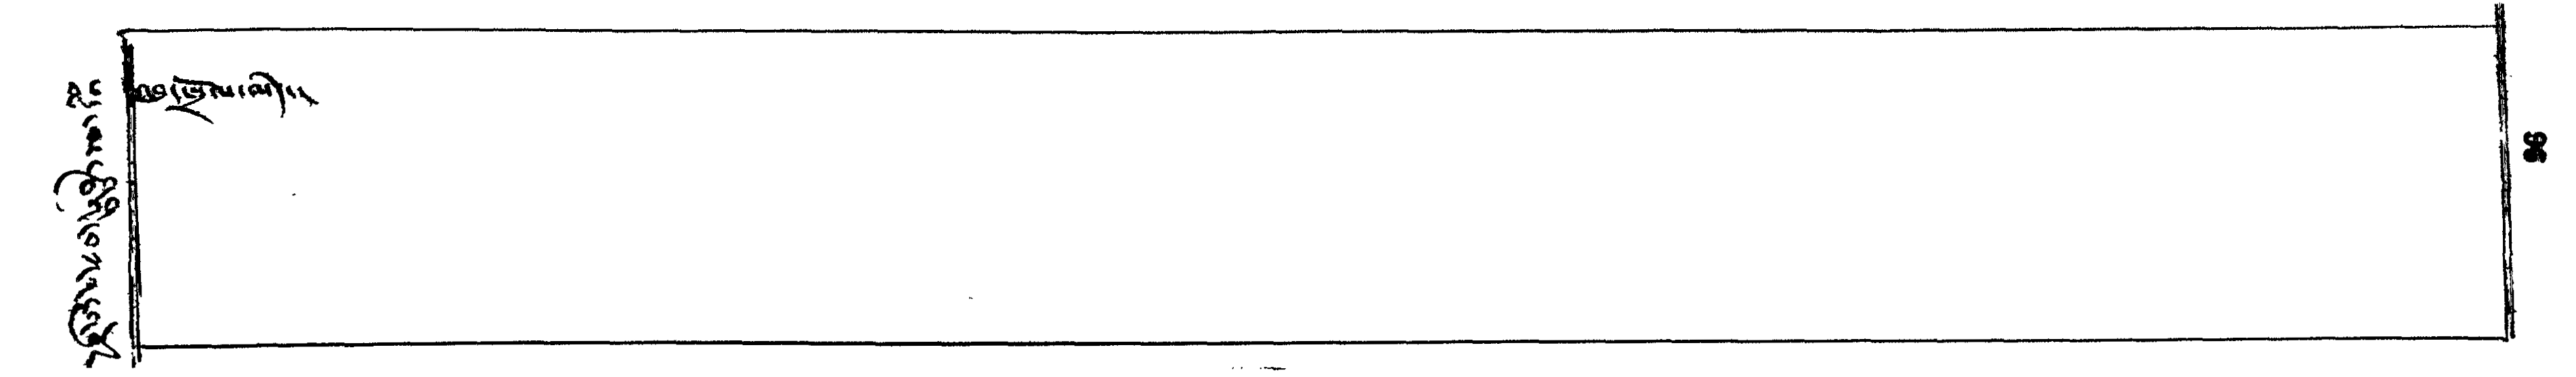འབུད་བྲོལ་མེད་